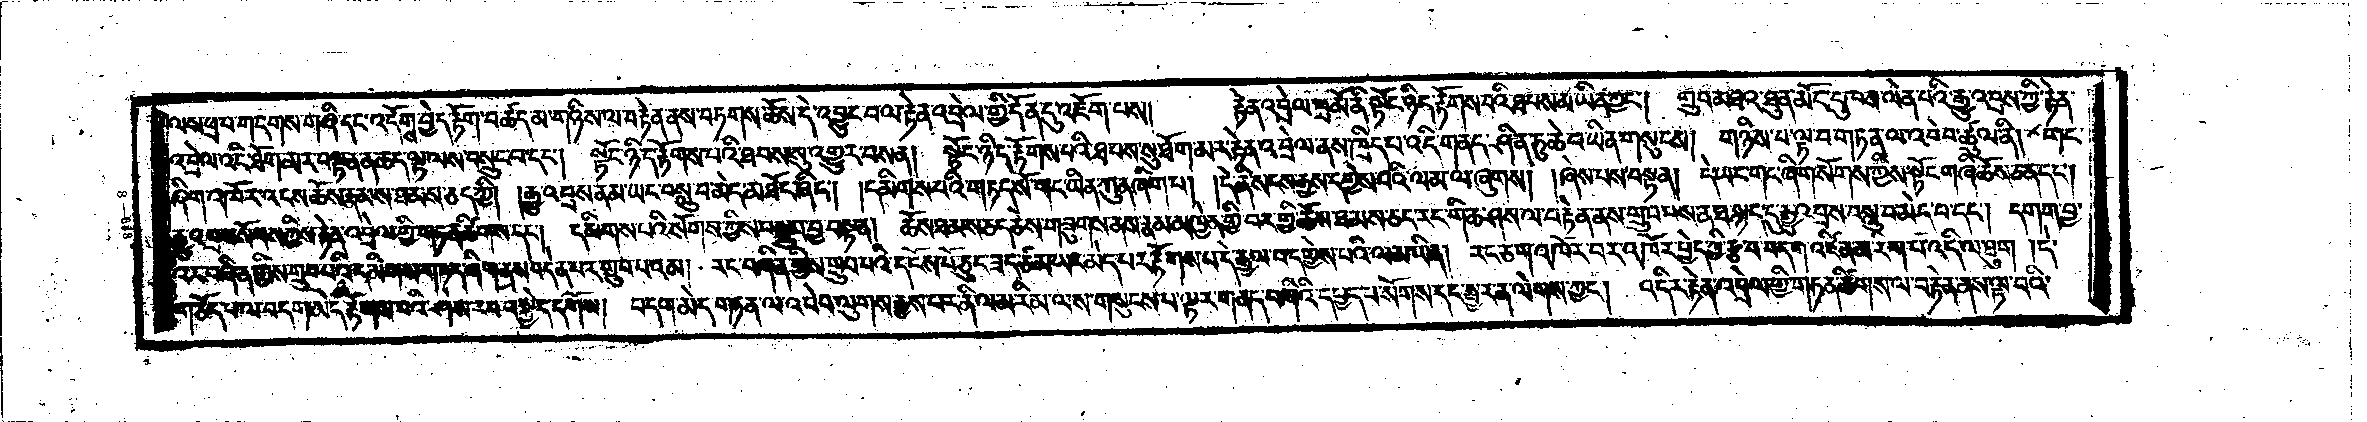ལས་ཕྲ་བ་གདགས་གཞི་དང་འདོགས་བྱེད་རྟོག་པ་ཚད་མ་གཉིས་ལ་བརྟེན་ནས་བཏགས་ཆོས་དེ་འབྱུང་བ་ལ་རྟེན་འབྲེལ་གྱི་དོན་དུ་འཇོག་པས། རྟེན་འབྲེལ་ཕྲ་མོ་ནི་སྟོང་ཉིད་རྟོགས་པའི་ཐབས་མ་ཡིན་ཀྱང་། གྲུབ་མཐའ་ཐུན་མོང་དུ་ཁས་ལེན་པའི་རྒྱུ་འབྲས་ཀྱི་རྟེན་
འབྲེལ་འདི་ཐོག་མར་བསྟན་ན་ཆད་ལྟ་ལས་བསྲུང་བ་དང་། སྟོང་ཉིད་རྟོགས་པའི་ཐབས་སུ་འགྱུར་བས་ན། སྟོང་ཉིད་རྟོགས་པའི་ཐབས་སུ་ཐོག་མར་རྟེན་འབྲེལ་ནས་ཁྲིད་པ་འདི་གནད་ཤིན་ཏུ་ཆེ་བ་ཡིན་གསུངས། གཉིས་པ་ལྟ་བ་གཏན་ལ་འབེབ་ཚུལ་ནི། གང་
ཞིག་འཁོར་འདས་ཆོས་རྣམས་ཐམས་ཅད་ཀྱི། །རྒྱུ་འབྲས་ནམ་ཡང་བསླུ་བ་མེད་མཐོང་ཞིང་། །དམིགས་པའི་གཏད་སོ་གང་ཡིན་ཀུན་ཞིག་པ། །དེ་ནི་སངས་རྒྱས་དགྱེས་པའི་ལམ་ལ་ཞུགས། །ཞེས་པས་བསྟན། དེ་ཡང་གང་ཞིག་སོགས་ཀྱིས་སྟོང་གཞི་ཆོས་ཅན་དང་།
རྒྱུ་འབྲས་སོགས་ཀྱིས་རྟེན་འབྲེལ་གྱི་གཏན་ཚིགས་དང་། དམིགས་པའི་སོགས་ཀྱིས་བསྒྲུབ་བྱ་བསྟན། ཆོས་ཐམས་ཅད་ཅེས་གཟུགས་ནས་རྣམ་མཁྱེན་གྱི་བར་གྱི་ཆོས་ཐམས་ཅད་རང་གི་ཆ་ཤས་ལ་བརྟེན་ནས་གྲུབ་པས་ན་ཐ་སྙད་དུ་རྒྱུ་འབྲས་བསླུ་བ་མེད་པ་དང་། དགག་བྱ་
རང་བཞིན་གྱིས་གྲུབ་པའི་དམིགས་གཏད་ཞིག་ནས་བདེན་པར་གྲུབ་པའམ། རང་བཞིན་གྱིས་གྲུབ་པའི་དངོས་པོ་ཅུང་ཟད་ཙམ་ཡང་མེད་པར་རྟོགས་པ་དེ་རྒྱལ་བ་དགྱེས་པའི་ལམ་ཡིན། རང་ཅག་འཁོར་བར་འཁོར་བྱེད་ཀྱི་རྩ་བ་བདག་འཛིན་མ་རིག་པ་འདི་ལ་ཐུག །དེ་
གཅོད་པ་ལ་བདག་མེད་རྟོགས་པའི་ཤེས་རབ་བསྐྱེད་དགོས། བདག་མེད་གཏན་ལ་འབེབ་ལུགས་རྒྱས་པར་ནི་ལམ་རིམ་ལས་གསུངས་པ་ལྟར་གནད་བཞིའི་དཔྱད་པ་སོགས་དང་སྦྱར་ན་ལེགས་ཀྱང་། འདིར་རྟེན་འབྲེལ་གྱི་གཏན་ཚིགས་ལ་བརྟེན་ནས་ལྟ་བའི་